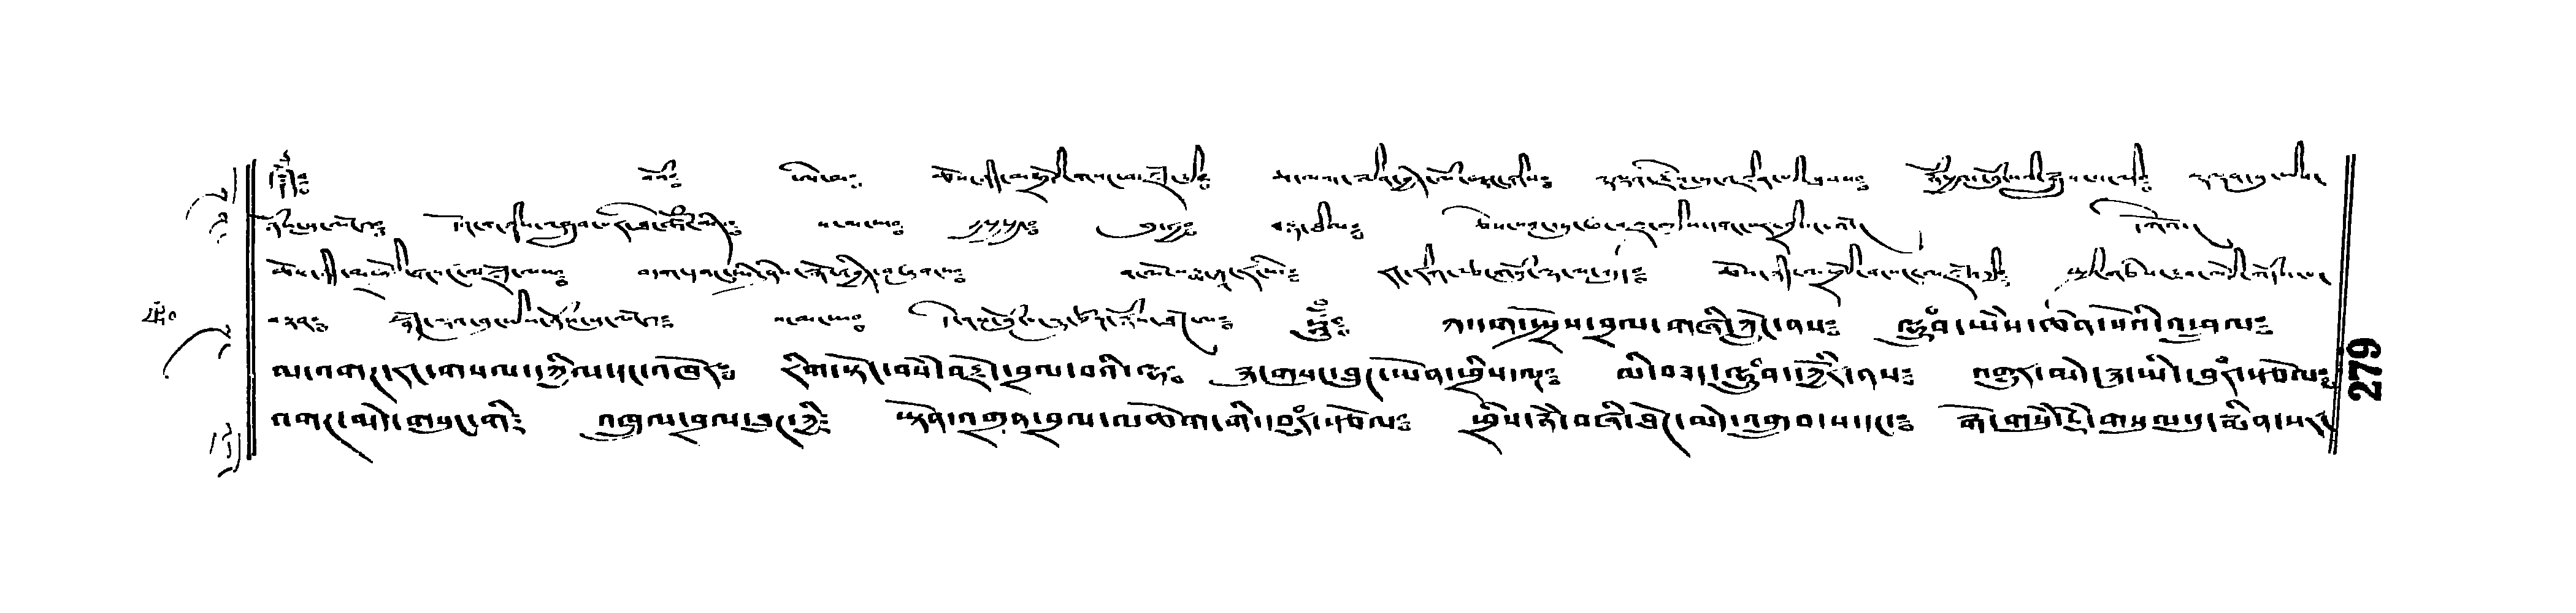བསམ༔ ཨེ་མ༔ ཆོས་ཉིད་མཁའ་འགྲོའི་གསང་མཛོད་ཀྱི༔ ཆ་ལག་སྨིན་བྱེད་ལམ་བཟང་གིས༔ སྐལ་ལྡན་རྗེས་སུ་འཛིན་པའི་ཐབས༔ རྣམ་རྒྱལ་བུམ་པའི་སྒྲུབ་པ་འདི༔ སྐལ་ལྡན་བུ་ཡིས་
ཉམས་སུ་ལོངས༔ དོན་གཉིས་འགྲུབ་པར་ཐེ་ཚོམ་མེད༔ ས་མ་ཡ༔ རྒྱ་རྒྱ་རྒྱ༔ གུ་ཧྱ༔ བརྡ་ཐིམ༔ ཅེས་པའང་སུ་ཁ་བཛྲ་གྱིས་དག་པར་བྲིས་པའོ།། དགེའོ།། 
ཆོས་ཉིད་མཁའ་འགྲོའི་གསང་མཛོད་ལས༔ བདག་དབང་ཡེ་ཤེས་སྒོ་འབྱེད་བཞུགས༔ ན་མོ་པདྨ་ཀཱ་ར་ཡེ༔ རང་རིག་རྩ་གསུམ་ལྷ་ལ་འདུད༔ ཆོས་ཉིད་མཁའ་འགྲོའི་གསང་མཛོད་ཀྱི༔ སྤྱི་གཅེས་ཟབ་མོའི་གདམས་པ་
 བསྟན༔ སྣོད་ལྡན་བུ་ཡིས་ཉམས་སུ་ལོངས༔ ས་མ་ཡ༔ དེ་ནས་བུམ་པ་སྐུ་ཙག་རྣམས་ཐོགས་ལ༔ ཧཱུྃ༔ ཀ་དག་སྤྲོས་བྲལ་གཞི་ཀློང་ནས༔ ལྷུན་གྲུབ་ཡེ་ཤེས་ཆེན་པོའི་འཕྲུལ༔ 
མ་འགགས་རང་གསལ་དཀྱིལ་དང་འཁོར༔ རིག་སྟོང་བསམ་བརྗོད་བྲལ་བའི་ལྷ༔ སྐུ་གསུང་ཐུགས་ཡོན་ཕྲིན་ལས་ལྔ༔ མི་བཟད་ལྷུན་གྲུབ་དཀྱིལ་འཁོར་ནས༔ འགྱུར་མེད་སྐུ་ཡི་དབང་བསྐུར་སྩོལ༔ 
འགགས་མེད་གསུང་གི༴ འཁྲུལ་བྲལ་ཐུགས་ཀྱི༴ ཡོན་ཏན་འགྲན་བྲལ་མཆོག་གི་དབང་བསྐུར་སྩོལ༔ ཕྲིན་ལས་རྣམ་བཞི་ཐོགས་མེད་འགྲུབ་པ་དང༔ སྒོ་གསུམ་རྡོ་རྗེ་གསུམ་དུ་སྨིན་པར་